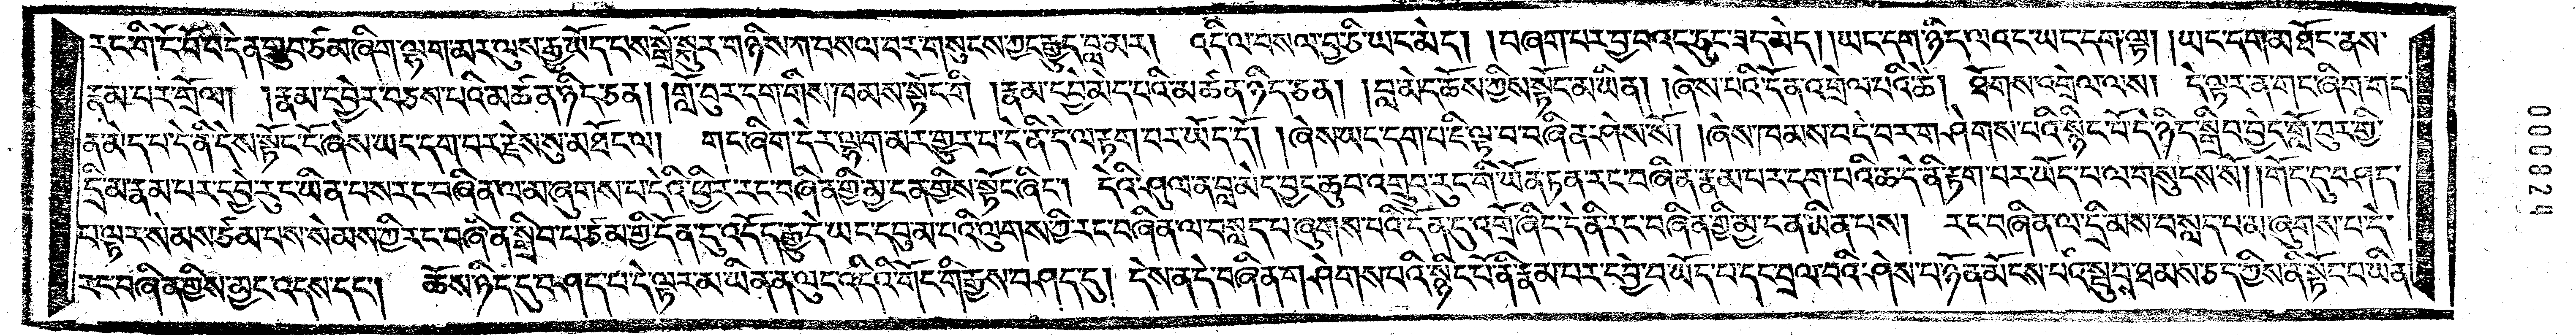རང་གི་ངོ་བོ་བདེན་གྲུབ་ཙམ་ཞིག་ལྷག་མར་ལུས་རྒྱུ་ཡོད་པས་སྒྲོ་སྐུར་གཉིས་ཀ་བསལ་བར་གསུངས་ཀྱང་རྒྱུད་བླ་མར། འདི་ལ་བསལ་བྱ་ཅི་ཡང་མེད། །བཞག་པར་བྱ་བའང་ཅུང་ཟད་མེད། །ཡང་དག་ཉིད་ལའང་ཡང་དག་ལྟ། །ཡང་དག་མཐོང་ནས་
རྣམ་པར་གྲོལ། །རྣམ་དབྱེར་བཅས་པའི་མཚན་ཉིད་ཅན། །གློ་བུར་དག་གིས་ཁམས་སྟོང་གི །རྣམ་དབྱེ་མེད་པའི་མཚན་ཉིད་ཅན། །བླ་མེད་ཆོས་ཀྱིས་སྟོང་མ་ཡིན། །ཞེས་པའི་དོན་འགྲེལ་པའི་ཚེ། ཐོགས་འགྲེལ་ལས། དེ་ལྟར་ན་གང་ཞིག་གང་
ན་མེད་པ་དེ་ནི་དེས་སྟོང་ངོ་ཞེས་ཡང་དག་པར་རྗེས་སུ་མཐོང་ལ། གང་ཞིག་དེར་ལྷག་མར་གྱུར་པ་དེ་ནི་དེ་ལ་རྟག་པར་ཡོད་དོ། །ཞེས་ཡང་དག་པ་ཇི་ལྟ་བ་བཞིན་ཤེས་སོ། །ཞེས་ཁམས་བདེ་བར་གཤེགས་པའི་སྙིང་པོ་དེ་ཉིད་སྒྲིབ་བྱེད་གློ་བུར་གྱི་
དྲི་མ་རྣམ་པར་དབྱེ་རུང་ཡིན་པས་རང་བཞིན་ལ་མ་ཞུགས་པ་དེའི་ཕྱིར་རང་བཞིན་གྱི་མྱ་ངན་གྱིས་སྟོང་ཞིང་། དེའི་ཤུལ་ན་བླ་མེད་བྱང་ཆུབ་འགྲུབ་རུང་གི་ཡོན་ཏན་རང་བཞིན་རྣམ་པར་དག་པའི་ཆ་དེ་ནི་རྟག་པར་ཡོད་པ་ལ་གསུངས་སོ། །གོང་དུ་བཤད་
པ་ལྟར་སེམས་ཙམ་པས་སེམས་ཀྱི་རང་བཞིན་སྒྲིབ་པ་ཙམ་གྱི་དོན་དུ་འདོད་རྒྱུ་དེ་ཡང་དབུ་མ་པའི་ལུགས་ཀྱི་རང་བཞིན་ལ་བསླད་པ་ཞུགས་པའི་དོན་དུ་འགྲོ་ཞིང་དེ་ནི་རང་བཞིན་གྱི་མྱ་ངན་ཡིན་པས། རང་བཞིན་ལ་དྲི་མས་བསླད་པ་མ་ཞུགས་པ་དེ་
རང་བཞིན་གྱིས་མྱང་འདས་དང་། ཆོས་ཉིད་དུ་བཤད་པ་དེ་ལྟར་མ་ཡིན་ན་ལུང་འདིའི་གོང་གི་རྒྱས་བཤད་དུ། དེས་ན་དེ་བཞིན་གཤེགས་པའི་སྙིང་པོ་ནི་རྣམ་པར་དབྱེ་བ་ཡོད་པ་དང་བྲལ་བའི་ཤེས་པ་ཉོན་མོངས་པའི་སྦུབས་ཐམས་ཅད་ཀྱིས་ནི་སྟོང་པ་ཡིན་